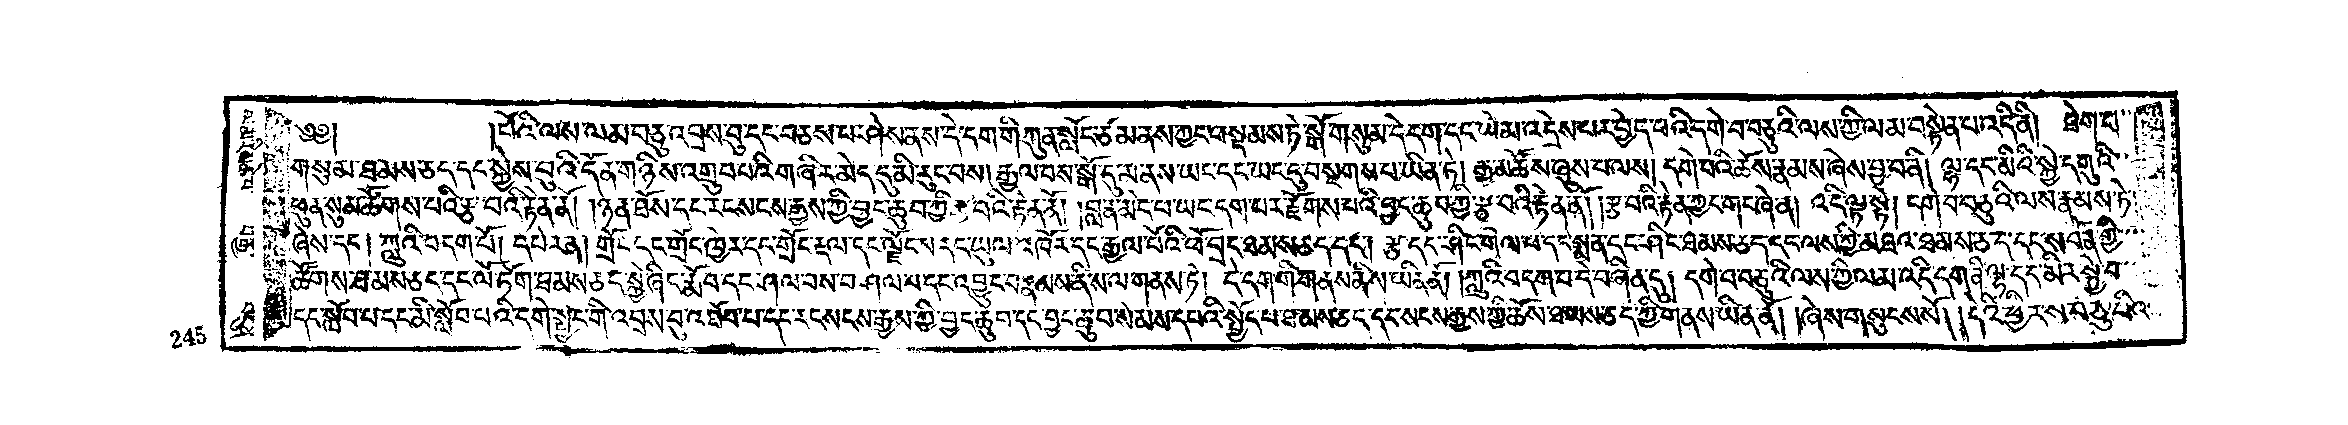༄༅། །པོའི་ལས་ལམ་བཅུ་འབྲས་བུ་དང་བཅས་པ་ཤེས་ནས་དེ་དག་གི་ཀུན་སློང་ཙམ་ནས་ཀྱང་བསྡམས་ཏེ་སྒོ་གསུམ་དེ་དག་དང་ཡེ་མ་འདྲེས་པར་བྱེད་པའི་དགེ་བ་བཅུའི་ལས་ཀྱི་ལམ་བསྟེན་པ་འདི་ནི། ཐེག་པ་
གསུམ་ཐམས་ཅད་དང་སྐྱེས་བུའི་དོན་གཉིས་འགྲུབ་པའི་གཞིར་མེད་དུ་མི་རུང་བས། རྒྱལ་བས་སྒོ་དུ་མ་ནས་ཡང་དང་ཡང་དུ་བསྔགས་པ་ཡིན་ཏེ། རྒྱ་མཚོས་ཞུས་པ་ལས། དགེ་བའི་ཆོས་རྣམས་ཞེས་བྱ་བ་ནི། ལྷ་དང་མིའི་སྐྱེ་དགུའི་
ཕུན་སུམ་ཚོགས་པའི་རྩ་བའི་རྟེན་ནོ། །ཉན་ཐོས་དང་རང་སངས་རྒྱས་ཀྱི་བྱང་ཆུབ་ཀྱི་རྩ་བའི་རྟེན་ནོ། །བླ་ན་མེད་པ་ཡང་དག་པར་རྫོགས་པའི་བྱང་ཆུབ་ཀྱི་རྩ་བའི་རྟེན་ནོ། །རྩ་བའི་རྟེན་ཀྱང་གང་ཞེ་ན། འདི་ལྟ་སྟེ། དགེ་བ་བཅུའི་ལས་རྣམས་ཏེ།
ཞེས་དང་། ཀླུའི་བདག་པོ། དཔེར་ན། གྲོང་དང་གྲོང་ཁྱེར་དང་གྲོང་རྡལ་དང་ལྗོངས་དང་ཡུལ་འཁོར་དང་རྒྱལ་པོའི་ཕོ་བྲང་ཐམས་ཅད་དང་། རྩྭ་དང་ཤིང་གེལ་པ་དང་སྨན་དང་ཤིང་ཐམས་ཅད་དང་ལས་ཀྱི་མཐའ་ཐམས་ཅད་དང་ས་བོན་གྱི་
ཚོགས་ཐམས་ཅད་དང་ལོ་ཏོག་ཐམས་ཅད་སྐྱེ་ཞིང་རྨོ་བ་དང་ཤལ་བས་བཤལ་བ་དང་འབྱུང་བ་རྣམས་ནི་ས་ལ་གནས་ཏེ། དེ་དག་གི་གནས་ནི་ས་ཡིན་ནོ། །ཀླུའི་བདག་པོ་དེ་བཞིན་དུ། དགེ་བ་བཅུའི་ལས་ཀྱི་ལམ་འདི་དག་ནི་ལྷ་དང་མིར་སྐྱེ་བ་
དང་སློབ་པ་དང་མི་སློབ་པའི་དགེ་སྦྱོང་གི་འབྲས་བུ་འཐོབ་པ་དང་རང་སངས་རྒྱས་ཀྱི་བྱང་ཆུབ་དང་བྱང་ཆུབ་སེམས་དཔའི་སྤྱོད་པ་ཐམས་ཅད་དང་སངས་རྒྱས་ཀྱི་ཆོས་ཐམས་ཅད་ཀྱི་གནས་ཡིན་ནོ། །ཞེས་གསུངས་སོ། །དེའི་ཕྱིར་ས་བཅུ་པའི་